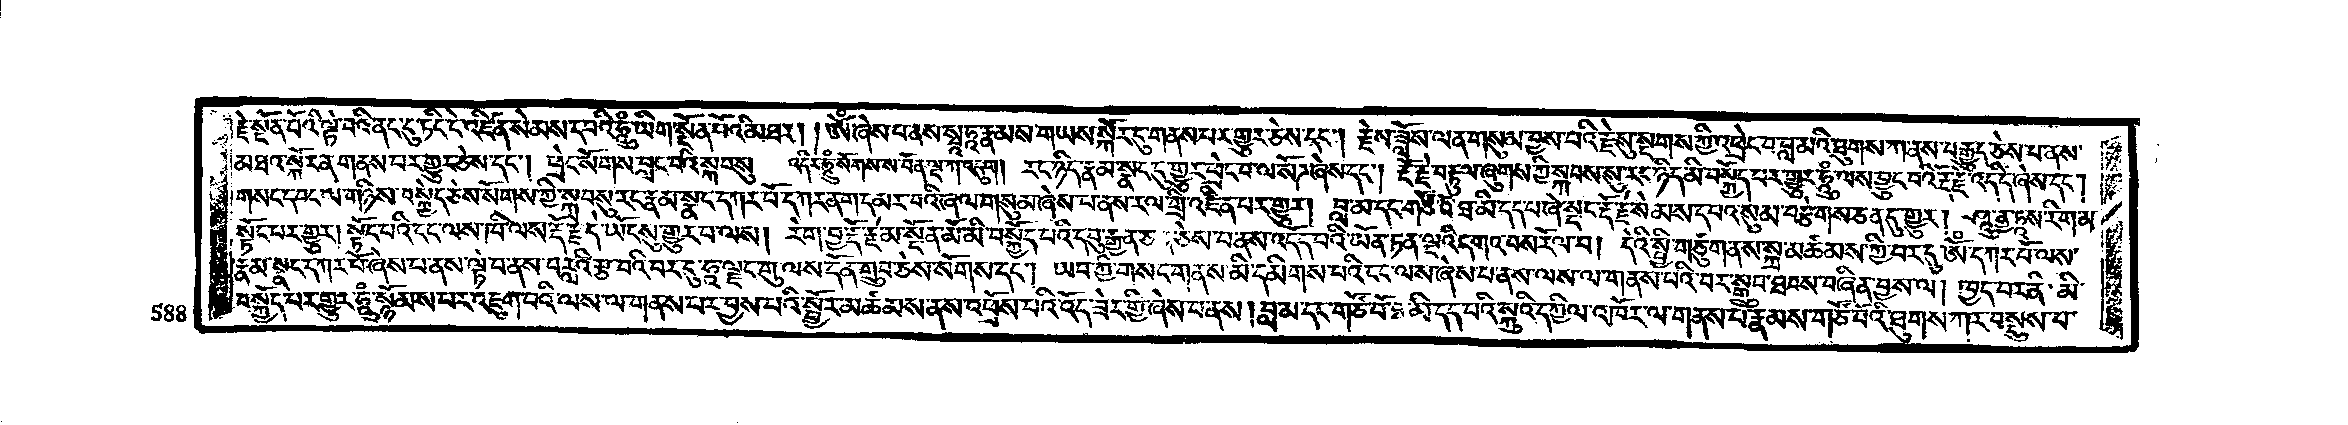རྗེ་སྔོན་པོའི་ལྟེ་བའི་ནང་དུ་ཏིང་ངེ་འཛིན་སེམས་དཔའི་ཧཱུཾ་ཡིག་སྔོན་པོའི་མཐར། ཨོཾ་ཞེས་པ་ནས་སྭཱ་ཧཱ་རྣམས་གཡས་སྐོར་དུ་གནས་པར་གྱུར་ཅེས་དང་། རྗེས་ཟློས་ལན་གསུམ་བྱས་པའི་རྗེས་སུ་སྔགས་ཀྱི་འཕྲེང་བ་བླ་མའི་ཐུགས་ཀ་ནས་བརྒྱུད་ཅེས་པ་ནས་
མཐའ་སྐོར་ན་གནས་པར་གྱུར་ཅེས་དང་། ཕྲེང་སོགས་བླང་བའི་སྐབས་སུ་འདིར་ཧཱུཾ་སོགས་ས་བོན་ལྔ་ཀ་འདུག། རང་ཉིད་རྣམ་སྣང་དུ་གྱུར་ཕྲེང་བ་ལ་སོགས་ཞེས་དང་། རྡོ་རྗེ་བརྟུལ་ཞུགས་ཀྱི་སྐབས་སུ་རང་ཉིད་མི་བསྐྱོད་པར་གྱུར་ཧཱུཾ་ལས་བྱུང་བའི་རྡོ་རྗེ་འདི་དེ་ཞེས་དང་།
གསང་དབང་ལ་གཉིས་བསྐྱེད་ཅེས་སོགས་ཀྱི་སྐབས་སུ་རང་རྣམ་སྣང་དཀར་པོ་དཀར་ནག་དམར་བའི་ཞལ་གསུམ་ཞེས་པ་ནས་རལ་གྲི་འཛིན་པར་གྱུར། བླ་མ་དང་གཙོ་བོ་ཐ་མི་དད་པ་ཞེ་སྡང་རྡོ་རྗེ་སེམས་དཔའ་སུམ་བརྩེགས་ཅན་དུ་གྱུར། ཤཱུ་ནྱ་ཏཱས་རིག་མ་
སྟོང་པར་གྱུར། སྟོང་པའི་ངང་ལས་ཁཾ་ལས་རྡོ་རྗེ་དེ་ཡོངས་སུ་གྱུར་བ་ལས། རེག་བྱ་རྡོ་རྗེ་མ་སྔོན་མོ་མི་བསྐྱོད་པའི་དབུ་རྒྱན་ཅན་ཅེས་པ་ནས་འདོད་པའི་ཡོན་ཏན་ལྔའི་དགའ་བས་རོལ་པ། དེའི་སྤྱི་གཙུག་ནས་སྐྲ་མཚམས་ཀྱི་བར་དུ་ཨོཾ་དཀར་པོ་ལས་
རྣམ་སྣང་དཀར་པོ་ཞེས་པ་ནས་ལྟེ་བ་ནས་བརླའི་རྩ་བའི་བར་དུ་ཧཱ་ལྗང་གུ་ལས་དོན་གྲུབ་ཅེས་སོགས་དང་། ཡབ་ཀྱི་གསང་གནས་མི་དམིགས་པའི་ངང་ལས་ཞེས་པ་ནས་ལས་ལ་གནས་པའི་བར་སྒྲུབ་ཐབས་བཞིན་བྱས་ལ། ཁྱད་པར་ནི། མི་
བསྐྱོད་པར་གྱུར་ཧཱུཾ་སྙོམས་པར་འཇུག་པའི་ལས་ལ་གནས་པར་བྱས་པའི་སྦྱོར་མཚམས་ནས་འཕྲོས་པའི་འོད་ཟེར་གྱི་ཞེས་པ་ནས། བླ་མ་དང་གཙོ་བོ་ཐ་མི་དད་པའི་སྐུའི་དཀྱིལ་འཁོར་ལ་གནས་པ་རྣམས་གཙོ་བོའི་ཐུགས་ཀར་བསྡུས་པ་